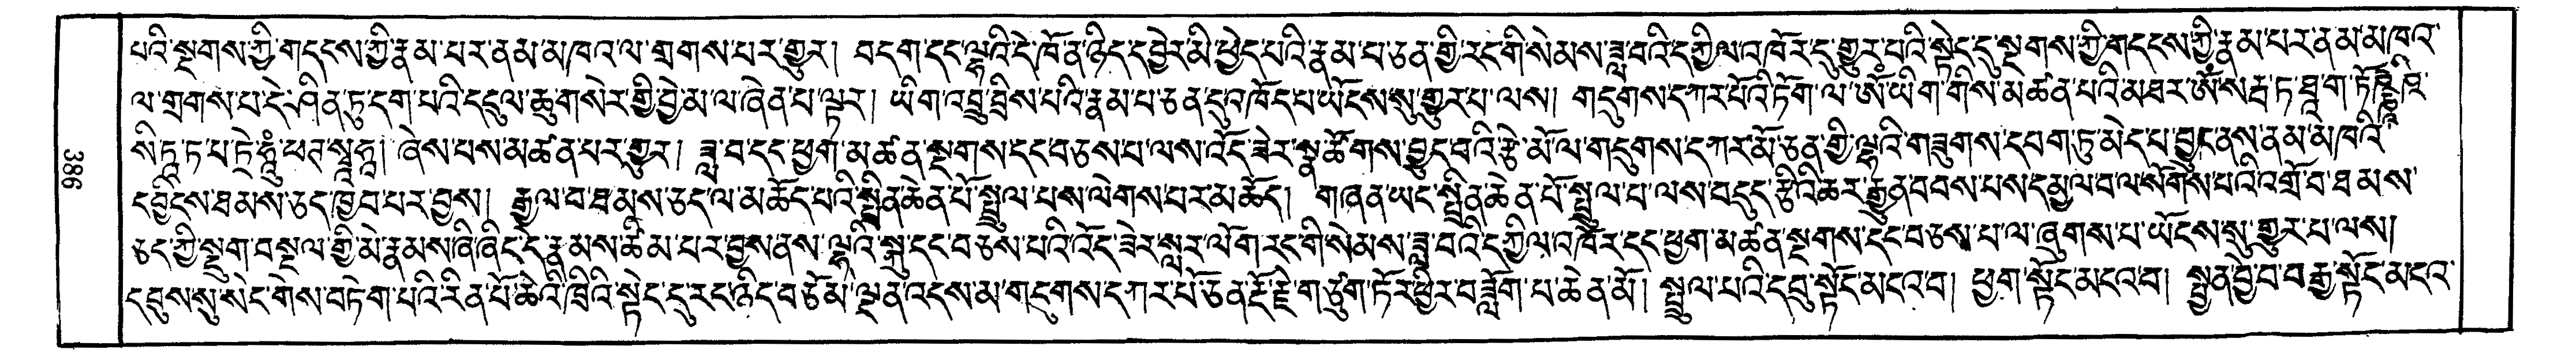པའི་སྔགས་ཀྱི་གདངས་ཀྱི་རྣམ་པར་ནམ་མཁའ་ལ་གྲགས་པར་གྱུར། བདག་དང་ལྷའི་དེ་ཁོ་ན་ཉིད་དབྱེར་མི་ཕྱེད་པའི་རྣམ་པ་ཅན་གྱི་རང་གི་སེམས་ཟླ་བའི་དཀྱིལ་འཁོར་དུ་གྱུར་པའི་སྟེང་དུ་སྔགས་ཀྱི་གདངས་ཀྱི་རྣམ་པར་ནམ་མཁའ་
ལ་གྲགས་པ་དེ་ཤིན་ཏུ་དག་པའི་དངུལ་ཆུ་གསེར་གྱི་བྱེ་མ་ལ་ཞེན་པ་ལྟར། ཡིག་འབྲུ་བྲིས་པའི་རྣམ་པ་ཅན་དུ་འཁོད་པ་ཡོངས་སུ་གྱུར་པ་ལས། གདུགས་དཀར་པོའི་ཏོག་ལ་ཨོཾ་ཡིག་གིས་མཚན་པའི་མཐར་ཨོཾ་སརྦ་ཏ་ཐཱ་ག་ཏོཥྞཱ་ཥི་
སི་ཏཱ་ཏ་པ་ཏྲེ་ཧཱུཾ་ཕཊ་སྭཱཧཱ། ཞེས་པས་མཚན་པར་གྱུར། ཟླ་བ་དང་ཕྱག་མཚན་སྔགས་དང་བཅས་པ་ལས་འོད་ཟེར་སྣ་ཚོགས་བྱུང་བའི་རྩེ་མོ་ལ་གདུགས་དཀར་མོ་ཅན་གྱི་ལྷའི་གཟུགས་དཔག་ཏུ་མེད་བ་བྱུང་ནས་ནམ་མཁའི་
དབྱིངས་ཐམས་ཅད་ཁྱབ་པར་བྱས། རྒྱལ་བ་ཐམས་ཅད་ལ་མཆོད་པའི་སྤྲིན་ཆེན་པོ་སྤྲུལ་པས་ལེགས་པར་མཆོད། གཞན་ཡང་སྤྲིན་ཆེན་པོ་སྤྲུལ་པ་ལས་བདུད་རྩིའི་ཆར་རྒྱུན་བབས་པས་དམྱལ་བ་ལ་སོགས་པའི་འགྲོ་བ་ཐམས་
ཅད་ཀྱི་སྡུག་བསྔལ་གྱི་མེ་རྣམས་ཞི་ཞིང་དེ་རྣམས་ཚིམ་པར་བྱས་ནས་ལྷའི་སྐུ་དང་བཅས་པའི་འོད་ཟེར་སླར་ལོག་རང་གི་སེམས་ཟླ་བའི་དཀྱིལ་འཁོར་དང་ཕྱག་མཚན་སྔགས་དང་བཅས་པ་ལ་ཞུགས་པ་ཡོངས་སུ་གྱུར་པ་ལས།
དབུས་སུ་སེང་གེས་བཏེག་པའི་རིན་པོ་ཆེའི་ཁྲིའི་སྟེང་དུ་རང་ཉིད་བཅོམ་ལྡན་འདས་མ་གདུགས་དཀར་པོ་ཅན་རྡོ་རྗེ་གཙུག་ཏོར་ཕྱིར་བཟློག་པ་ཆེན་མོ། སྤྲུལ་པའི་དབུ་སྟོང་མངའ་བ། ཕྱག་སྟོང་མངའ་བ། སྦྱན་བྱེ་བ་བརྒྱ་སྟོང་མངའ་